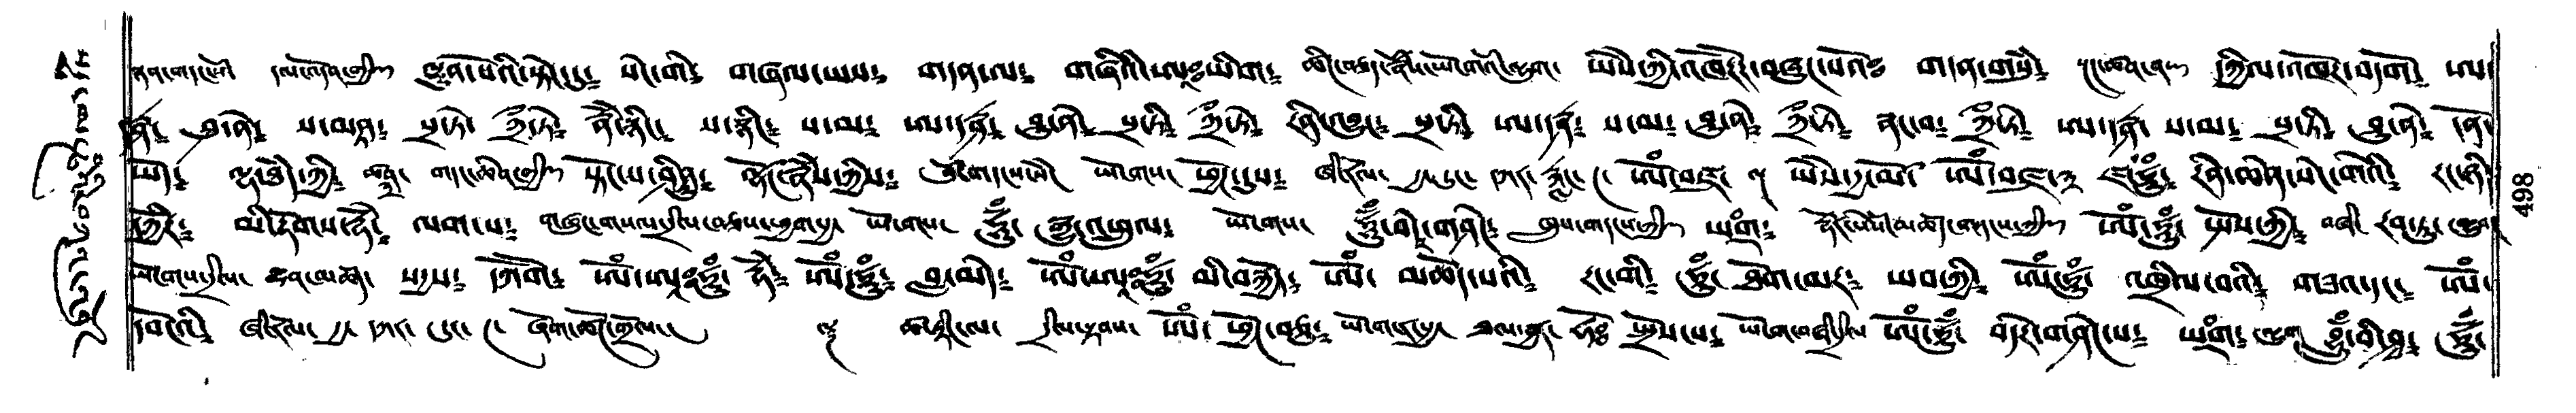སྙན་གདངས་སམ། དལ་འདོན་གྱིས། ལྷུན་པོའི་སྟེང་དུ༴ སེང་གེ༴ གཞལ་ཡས༴ གདན་ལ༴ གཞིའི་ཨཱཿཡིག༴ ཚིགས་བཅད་རྣམས་ཡོ་གའམ་ལྷུག ཡེ་ཤེས་ཀྱི་འཁོར་ལོར་བཞུགས་པའོ༔ གདན་གསུམ༴ སྔགས་ཚན་ནས། དཀྱིལ་འཁོར་བདག་པོ༴ ཨ་
དརྴ༴ ཤུ་ནེ༴ ས་མནྟ༴ པྲ་ཏེ༴ རྣམ་སྙིང་༴ ས་སྙིང་༴ ས་མ༴ ཨ་དརྴ༴ ཤུ་ནེ༴ པྲ་ཏི༴ ཀྲྀ་ཏེ༴ རིན་འབྱུང་༴ པྲ་ཏི༴ ཨ་དརྴ༴ ས་མ༴ ཤུ་ནེ༴ ཀྲྀ་ཏེ༴ སྣང་བ༴ ཀྲྀ་ཏེ༴ ཨ་དརྴ༴ས་མ༴ པྲ་ཏི༴ ཤུ་ནེ༴ དོན་
ཡོད༴ ལྷ་ཐམས་ཅད་ཀྱི༴ ཚན་གསུམ། གདངས་ཆེན་གྱིས། སྟོང་པ་ཤིན་ཏུ༴ ལྷ་ཚོགས་རྣམས་ཀྱིས༴ བུམ་གདངས་སམ། ཡོ་གས། ཕྱོགས་དུས༴ ཞི་རོལ། རྒྱ། དུང་། དཀར། རྐང་བཞི། ཌཱ། ཨོཾ་བཛྲ༴ ལྔ། ཡེ་ཤེས་རྒྱ་མཚོ༴ ཨོཾ་བཛྲ༴ གསུམ། ཛ་ཧཱུྃ༴ རིན་ཆེན་སེང་གེའི༴ རང་ཉིད་
དཀྱིལ་འཁོར༴ མི་རྟོག་རྡོ་རྗེ༴ ལག་པ༴ གཞུང་གསལ་དྲིལ་བཅས་ཕྱག་རྒྱ། ཡོ་གས། ཧཱུྃ། སྒྱུ་འཕྲུལ༴ ཡོ་གས། ཧཱུྃ། བདེ་གཤེགས༴ ཁྲུས་གདངས་ཀྱིས། ཡན་ལག༴ རྡོར་སེམས་མཆོད་གདངས་ཀྱིས། ཨོཾ་ཧཱུྃ། སྤོས་ཀྱི༴ བཞི། རབ་ཏུ༴ ལྷུག 
ཡོ་གས་དྲིལ། སྨན་མཆོད། སངས་རྒྱས༴ དཀོན་མཆོག༴ ཨོཾ་ཨཱཿཧཱུྃ། རྡོ་རྗེ༴ ཨོཾ་ཧཱུྃ༴ བླ་མེད༴ ཨོཾ་ཨཱཿཧཱུྃ། མི་བསྐྱོད༴ ཨོཾ། མཆོད་པའི༴ རང་གི༴ ཧཱུྃ། ཐོག་མར༴ ཡབ་ཀྱི༴ ཨོཾ་ཧཱུྃ། འཁྲིལ་བའི༴ གཟའ་དང་༴ ཨོཾ། 
དབང་པོའི༴ ཞི་རོལ། རྒྱ། དཀར། དུང་། ཌཱ། ཞོག་ཚོགས་གྲོལ།། ཚ་རྟིང་ལ། དྲིལ་སྟབས། ཨོཾ། ཕྱོགས་བཅུ༴ ཡོ་ག་རང་རྒྱ། ཐལ་སྦྱར། ཧོཿ སྤྲོས་པ༴ ཡོ་ག་བཞི་དྲིལ། ཨོཾ་ཧཱུྃ། བདེ་བར་གཤེགས་པ༴ ཡན་ལག༴ ལྷུག བྷྲཱུྃ་བི་ཤྭ༴ ཧཱུྃ།